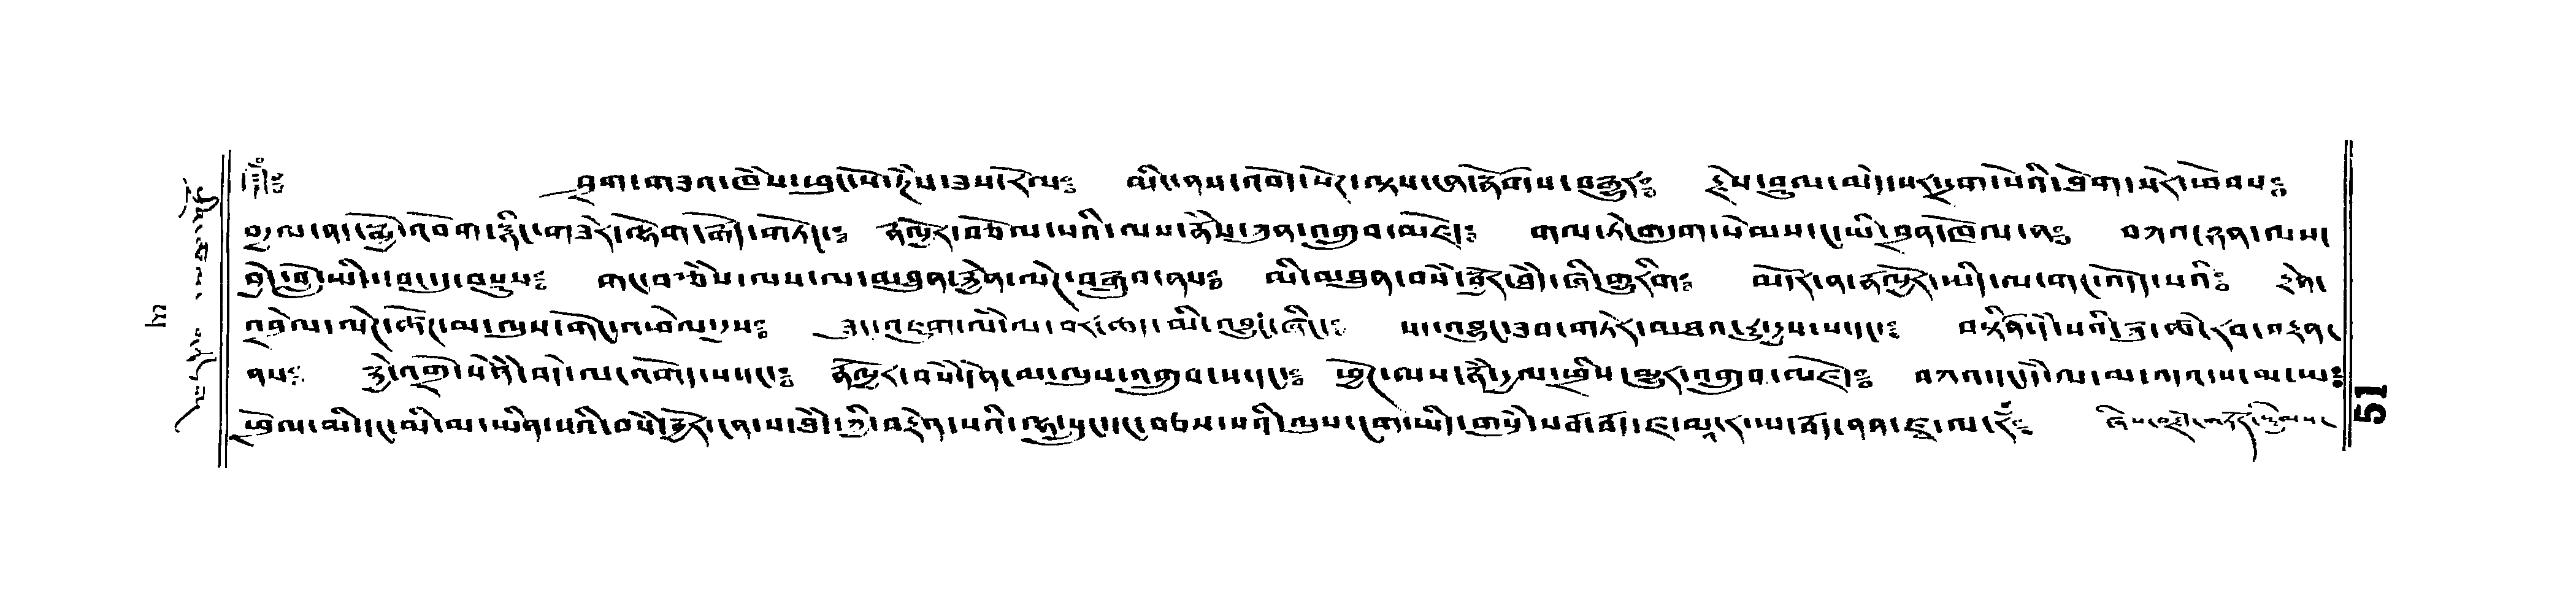ཤ་ཁྲག་གཟའ་ཁམས་ཕུང་པོ་རྔམས་ཟས་རོལ༔ མིང་ནས་འབོད་སོགས་ལྟས་ངན་སྣ་ཚོགས་བསྒྱུར༔ རྗེས་ཤུལ་མེད་པར་དྲག་པོའི་ཐོག་སེར་ཕོབས༔ 
བརྒྱལ་ནད་སྨྱོ་འབོག་སྙིང་གཟེར་ལྷོག་རྒོད་གཏོང༔ རྣལ་འབྱོར་བཅོལ་པའི་ལས་རྣམས་ཀུན་འགྲུབ་མཛོད༔ གལ་ཏེ་གདུག་སེམས་ང་ཡི་བྲན་ཁོལ་ན༔ བཀའ་ཉན་ལས་
བྱེད་བློ་ཡིད་དབང་དུ་བསྡུས༔ གང་བརྩམས་ལས་ལ་མཐུན་རྐྱེན་ལེགས་བསྒྲུབ་ནས༔ མི་མཐུན་བསམ་སྦྱོར་ཐམས་ཅད་ཞི་གྱུར་ཅིག༔ མདོར་ན་རྣལ་འབྱོར་ཡིད་ལ་གང་འདོད་པའི༔ རྟེན་
འབྲེལ་ལེགས་ཚོགས་མ་ལུས་གོང་འཕེལ་རྒྱས༔ ཟུང་འཇུག་ལམ་ལ་བར་ཆད་མི་འབྱུང་ཞིང༔ པད་འབྱུང་ཟབ་གཏེར་མཐའ་རུ་རྒྱས་པ་དང༔ བསྟན་འཛིན་དམ་པའི་སྐུ་ཚེ་རབ་བརྟན་
ནས༔ སྐྱེ་འགྲོ་སེམས་ཅན་བདེ་ལ་འགོད་པ་དང༔ རྣལ་འབྱོར་བསམ་དོན་མ་ལུས་འགྲུབ་པ་དང༔ ཕྱོགས་ལས་རྣམ་རྒྱལ་ཕྲིན་ལས་མྱུར་འགྲུབ་མཛོད༔ བཀའ་དང་དམ་ལ་མ་འདའ་ས་མ་ཡ༔ 
ཕ་རོལ་མི་དང་མི་མ་ཡིན་པའི་བསམ་སྦྱོར་ངན་པ་ཐམས་ཅད་ཀྱི་བརྟེན་པའི་ལྷ་སྲུང་དང་བཅས་པའི་ལུས་ངག་ཡིད་གསུམ་སརྦ་རྦད་ཛ་མཱ་ར་ཡ་རྦད་ནན་ཛྭ་ལ་རྃ༔ ཞེས་བརྗོད་གཏོར་སྐྱེམས་